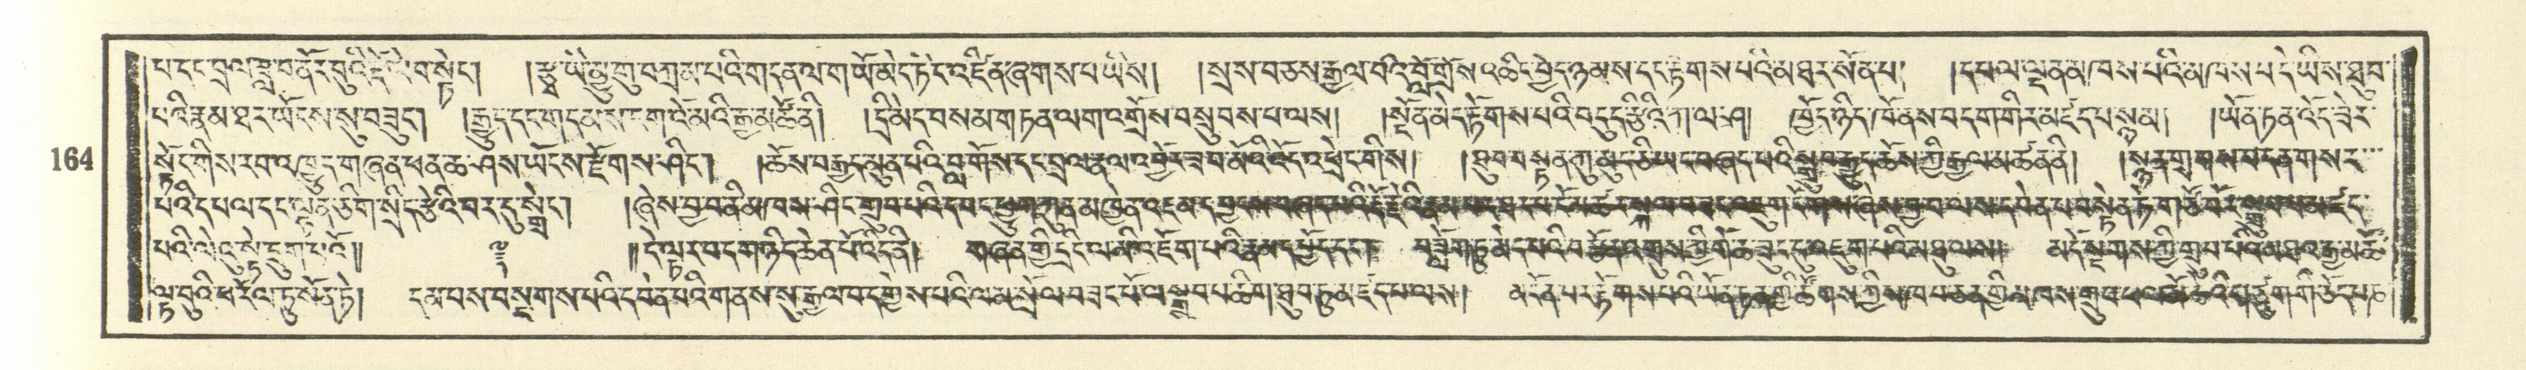པ་དང་བྲལ་ཟླ་བ་ནོར་བུའི་རྡོ་ལེབ་སྟེང་། །རྩྭ་ཡི་མྱུ་གུ་བཀྲམ་པའི་གདན་ལ་གཡོ་མེད་ཏིང་འཛིན་ཞགས་པ་ཡིས། །སྲས་བཅས་རྒྱལ་བའི་བློ་གྲོས་འཆིང་བྱེད་ཉམས་དང་རྟོགས་པའི་མཐར་སོན་པ། །དཔལ་ལྡན་མཁས་པའི་མཁས་པ་དེ་ཡིས་ཐུབ་
པའི་རྣམ་ཐར་ཡོངས་སུ་བཟུང་། །རྒྱུད་དང་གདམས་ངག་འོ་མའི་རྒྱ་མཚོ་ནི། །དྲི་མེད་བསམ་གཏན་ལག་འགྲོས་བསྲུབས་པ་ལས། །སྔོན་མེད་རྟོགས་པའི་བདུད་རྩིའི་ཀ་ལ་ཤ། ཁྱོད་ཉིད་ཁོ་ནས་བདག་གིར་མཛད་པ་སྙམ། །ཡོན་ཏན་འོད་ཟེར་
སྟོང་གིས་རབ་འཁྱུད་གཞན་ཕན་ཆ་ཤས་ཡོངས་རྫོགས་ཤིང་། །ཆོས་བརྒྱད་མུན་པའི་བླ་གོས་དང་བྲལ་རྣལ་འབྱོར་ཟབ་མོའི་འོད་འཕྲེང་གིས། །ཐུབ་བསྟན་ཀུ་མུད་ཅི་ཡང་བཞད་པའི་སྒྲུབ་རྒྱུད་ཆོས་ཀྱི་རྒྱལ་མཚན་ནི། །སྙན་གྲགས་པ་དན་གསར་
པའི་དཔལ་དང་ལྷན་ཅིག་སྲིད་རྩེའི་བར་དུ་སྒྲེང་། །ཞེས་བྱ་བ་ནི་མཁས་ཤིང་གྲུབ་པའི་དབང་ཕྱུག་ཀུན་མཁྱེན་འཇམ་དབྱངས་བཞད་པའི་རྡོ་རྗེའི་རྣམ་པར་ཐར་པ་ངོ་མཚར་སྐལ་བཟང་འཇུག་དོགས་ཞེས་བྱ་བ་ལས་དབེན་པ་བསྟེན་ཏེ་གཙོ་བོར་སྒྲུབ་པ་མཛད་
པའི་ལེའུ་སྟེ་དྲུག་པའོ།། ༈ །།དེ་ལྟར་བདག་ཉིད་ཆེན་པོ་འདི་ནི། གཞན་གྱི་དྲིང་ལ་མི་འཇོག་པའི་རྣམ་དཔྱོད་དང་། བཟློག་ཏུ་མེད་པའི་བརྩོན་འགྲུས་ཀྱི་གོ་ཆ་ཟུང་དུ་འཇུག་པའི་མཐུ་ལས། མདོ་སྔགས་ཀྱི་གྲུབ་པའི་མཐའ་རྒྱ་མཚོ་
ལྟ་བུའི་ཕ་རོལ་ཏུ་སོན་ཏེ། དམ་པས་བསྔགས་པའི་དབེན་པའི་གནས་སུ་རྒྱལ་བ་དགྱེས་པའི་ལམ་སྲོལ་བཟང་པོ་ལ་སྒྲུབ་པ་ཆིག་ཐུབ་ཏུ་མཛད་པ་ལས། མངོན་པར་རྟོགས་པའི་ཡོན་ཏན་གྱི་ཚོགས་ཀྱིས་ཁ་པ་ཅན་གྱི་མཁས་གྲུབ་ཕལ་མོ་ཆེའི་གཙུག་གི་ཅོད་པཎ་